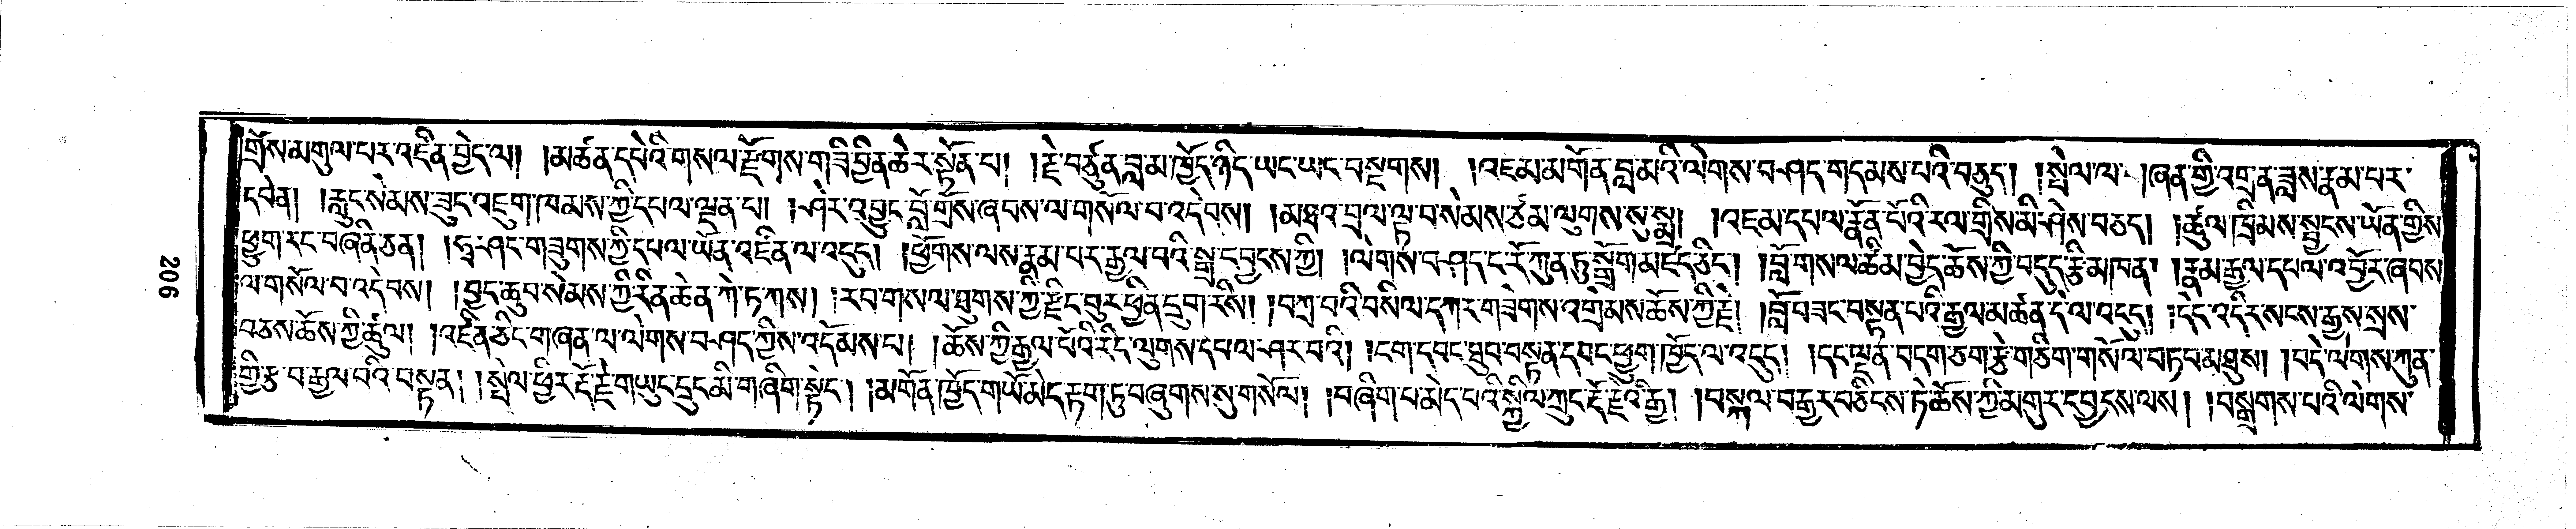གྲོས་མགུལ་པར་འཛིན་བྱེད་ལ། །མཚན་དཔེའི་གསལ་རྫོགས་གཟི་བྱིན་ཆེར་སྟོན་པ། །རྗེ་བཙུན་བླ་མ་ཁྱོད་ཉིད་ཡང་ཡང་བསྔགས། །འཇམ་མགོན་བླ་མའི་ལེགས་བཤད་གདམས་པའི་བཅུད། །སྤེལ་ལ་གཞན་གྱི་འགྲན་ཟླས་རྣམ་པར་
དབེན། །རླུང་སེམས་ཟུང་འཇུག་ཁམས་ཀྱི་དཔལ་ལྡན་པ། །ཤེར་འབྱུང་བློ་གྲོས་ཞབས་ལ་གསོལ་བ་འདེབས། །མཐའ་བྲལ་ལྟ་བ་སེམས་ཙམ་ལུགས་སུ་སྨྲ། །འཇམ་དཔལ་རྣོན་པོའི་རལ་གྲིས་མི་ཤེས་བཅད། །ཚུལ་ཁྲིམས་སྦྱངས་ཡོན་གྱིས་
ཕྱུག་རང་བཞིན་ཅན། །ཧྭ་ཤང་གཟུགས་ཀྱི་དཔལ་ཡོན་འཛིན་ལ་འདུད། །ཕྱོགས་ལས་རྣམ་པར་རྒྱལ་བའི་སྒྲ་དབྱངས་ཀྱི། །ལེགས་བཤད་ད་རོ་ཀུན་ཏུ་སྒྲོག་མཛད་ཅིང་། །བློ་གསལ་ཚིམ་བྱེད་ཆོས་ཀྱི་བདུད་རྩི་མཁན། །རྣམ་རྒྱལ་དཔལ་འབྱོར་ཞབས་
ལ་གསོལ་བ་འདེབས། །བྱང་ཆུབ་སེམས་ཀྱི་རིན་ཆེན་ཀེ་ཏ་ཀས། །རབ་གསལ་ཐུགས་ཀྱི་རྫིང་བུར་ཕྱིན་དྲུག་རིས། །བཀྲ་བའི་བསིལ་དཀར་གཟེགས་འགྲེམས་ཆོས་ཀྱི་རྗེ། །བློ་བཟང་བསྟན་པའི་རྒྱལ་མཚན་དེ་ལ་འདུད། །དེད་འདིར་སངས་རྒྱས་སྲས་
བཅས་ཆོས་ཀྱི་ཚུལ། །འཛིན་ཅིང་གཞན་ལ་ལེགས་བཤད་ཀྱིས་འདོམས་པ། །ཆོས་ཀྱི་རྒྱལ་པོའི་རིང་ལུགས་དཔལ་ཤར་བའི། །ངག་དབང་ཐུབ་བསྟན་དབང་ཕྱུག་ཁྱོད་ལ་འདུད། །དང་ལྡན་བདག་ཅག་རྩེ་གཅིག་གསོལ་བཏབ་མཐུས། །བདེ་ལེགས་ཀུན་
གྱི་རྩ་བ་རྒྱལ་བའི་བསྟན། །སྤེལ་ཕྱིར་རྡོ་རྗེ་གཡུང་དྲུང་མི་གཞིག་སྟེང་། །མགོན་ཁྱོད་གཡོ་མེད་རྟག་ཏུ་བཞུགས་སུ་གསོལ། །བཞིག་པ་མེད་པའི་སྐྱིལ་ཀྲུང་རྡོ་རྗེའི་རྒྱ། །བསྐལ་བརྒྱར་བཅིངས་ཏེ་ཆོས་ཀྱི་མགུར་དབྱངས་ལས། །བསྒྲགས་པའི་ལེགས་